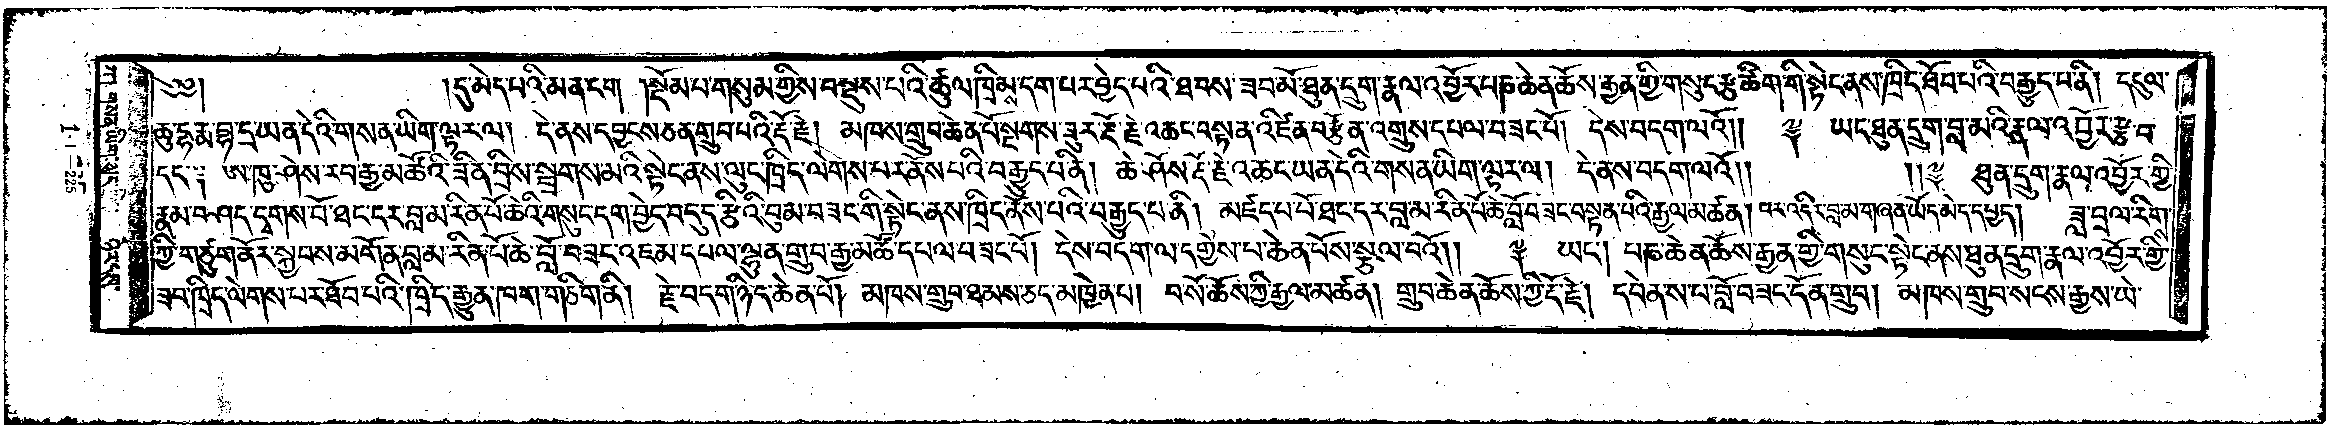༄༅། །དུ་མེད་པའི་མན་ངག །སྡོམ་པ་གསུམ་གྱིས་བསྡུས་པའི་ཚུལ་ཁྲིམས་དག་པར་བྱེད་པའི་ཐབས་ཟབ་མོ་ཐུན་དྲུག་རྣལ་འབྱོར་པཎ་ཆེན་ཆོས་རྒྱན་གྱི་གསུང་རྩ་ཚིག་གི་སྟེང་ནས་ཁྲིད་ཐོབ་པའི་བརྒྱུད་པ་ནི། དངུལ་
ཆུ་དྷརྨ་བྷ་དྲ་ཡན་དེའི་གསན་ཡིག་ལྟར་ལ། དེ་ནས་དབྱངས་ཅན་གྲུབ་པའི་རྡོ་རྗེ། མཁས་གྲུབ་ཆེན་པོ་སྔགས་ཟུར་རྡོ་རྗེ་འཆང་བསྟན་འཛིན་བརྩོན་འགྲུས་དཔལ་བཟང་པོ། དེས་བདག་ལའོ།། འ་ཡང་ཐུན་དྲུག་བླ་མའི་རྣལ་འབྱོར་རྩ་བ་
དང༑ ཨ་ཁུ་ཤེས་རབ་རྒྱ་མཚོའི་ཟིན་བྲིས་སྦྲགས་མའི་སྟེང་ནས་ལུང་ཁྲིད་ལེགས་པར་ནོས་པའི་བརྒྱུད་པ་ནི། ཆེ་ཤོས་རྡོ་རྗེ་འཆང་ཡན་དེའི་གསན་ཡིག་ལྟར་ལ། དེ་ནས་བདག་ལའོ།། །།འ་ཐུན་དྲུག་རྣལ་འབྱོར་གྱི་
རྣམ་བཤད་དྭགས་པོ་ཐང་དར་བླ་མ་རིན་པོ་ཆེའི་གསུང་དག་བྱེད་བདུད་རྩིའི་བུམ་བཟང་གི་སྟེང་ནས་ཁྲིད་ནོས་པའི་བརྒྱུད་པ་ནི། མཛད་པ་པོ་ཐང་དར་བླ་མ་རིན་པོ་ཆེ་བློ་བཟང་བསྟན་པའི་རྒྱལ་མཚན། བར་འདིར་བླ་མ་གཞན་ཡོད་མེད་དཔྱད།  ཟླ་བྲལ་རིགས་
ཀྱི་གཙུག་ནོར་སྐྱབས་མགོན་བླ་མ་རིན་པོ་ཆེ་བློ་བཟང་འཇམ་དཔལ་ལྷུན་གྲུབ་རྒྱ་མཚོ་དཔལ་བཟང་པོ། དེས་བདག་ལ་དགྱེས་པ་ཆེན་པོས་སྩལ་བའོ།། འ་ཡང་། པཎ་ཆེན་ཆོས་རྒྱན་གྱི་གསུང་སྟེང་ནས་ཐུན་དྲུག་རྣལ་འབྱོར་གྱི་
ཟབ་ཁྲིད་ལེགས་པར་ཐོབ་པའི་ཁྲིད་རྒྱུན་ཁག་གཅིག་ནི། རྗེ་བདག་ཉིད་ཆེན་པོ། མཁས་གྲུབ་ཐམས་ཅད་མཁྱེན་པ། བ་སོ་ཆོས་ཀྱི་རྒྱལ་མཚན། གྲུབ་ཆེན་ཆོས་ཀྱི་རྡོ་རྗེ། དབེན་ས་པ་བློ་བཟང་དོན་གྲུབ། མཁས་གྲུབ་སངས་རྒྱས་ཡེ་